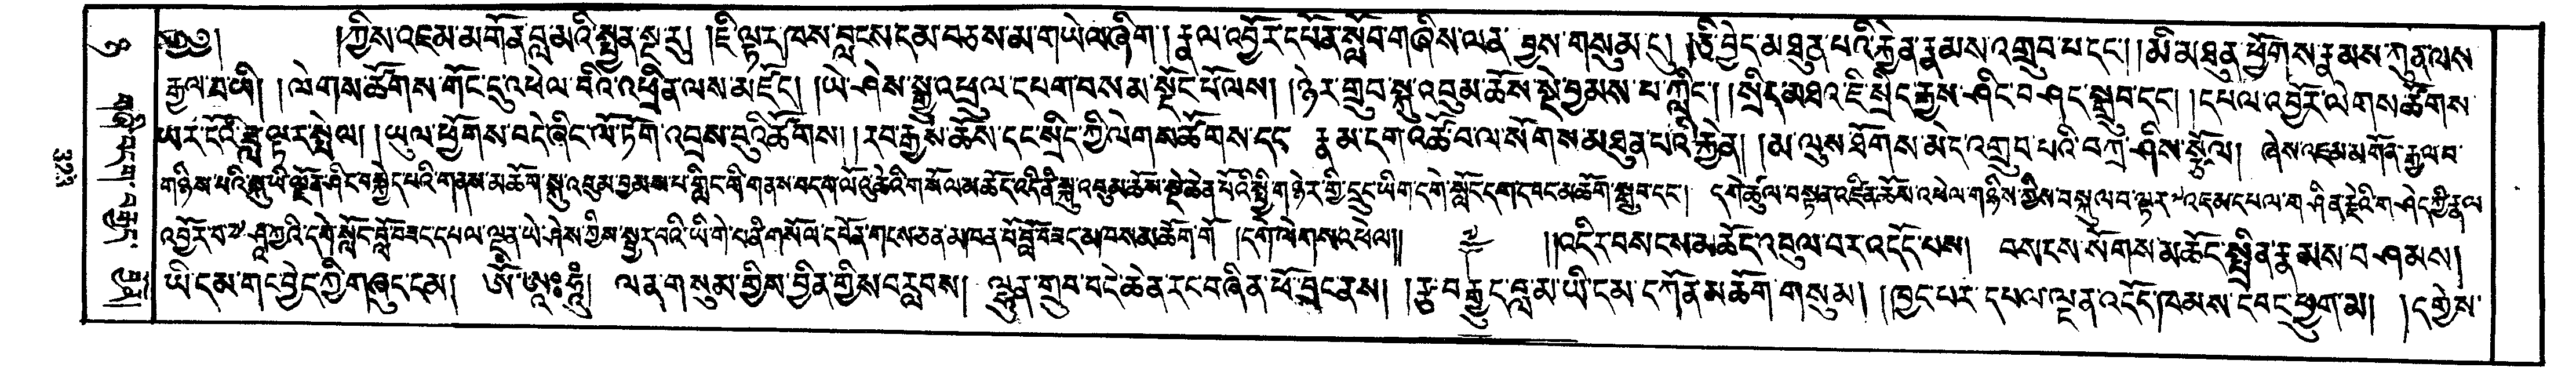༄༅། །ཀྱིས་འཇམ་མགོན་བླ་མའི་སྤྱན་སྔ་རུ། །ཇི་ལྟར་ཁས་བླངས་དམ་བཅས་མ་གཡེལ་ཞིག །རྣལ་འབྱོར་དཔོན་སློབ་གཞིས་ལམ་བྱེས་གསུམ་དུ། །ཅི་བྱེད་མཐུན་པའི་རྐྱེན་རྣམས་འགྲུབ་པ་དང་། །མི་མཐུན་ཕྱོགས་རྣམས་ཀུན་ལས་
རྒྱལ་བ་ཡི། །ལེགས་ཚོགས་གོང་དུ་འཕེལ་བའི་འཕྲིན་ལས་མཛོད། །ཡེ་ཤེས་སྒྱུ་འཕྲུལ་དཔག་བསམ་སྔོང་པོ་ལས། །ཉེར་གྲུབ་སྐུ་འབུམ་ཆོས་སྡེ་བྱམས་པ་གླིང་། །སྲིད་མཐའ་ཇི་སྲིད་རྒྱས་ཤིང་བཤད་སྒྲུབ་དང་། །དཔལ་འབྱོར་ལེགས་ཚོགས་
ཡར་ངོའི་ཟླ་ལྟར་སྤེལ། །ཡུལ་ཕྱོགས་བདེ་ཞིང་ལོ་ཏོག་འབྲས་བུའི་ཚོགས། །རབ་རྒྱས་ཆོས་དང་སྲིད་ཀྱི་ལེགས་ཚོགས་དང་། །རྣམ་དག་འཚོ་བ་ལ་སོགས་མཐུན་པའི་རྐྱེན། །མ་ལུས་ཐོགས་མེད་འགྲུབ་པའི་བཀྲ་ཤིས་སྩོལ། ཞེས་འཇམ་མགོན་རྒྱལ་བ་
གཉིས་པའི་སྐུ་ཡི་ལྗོན་ཤིང་བསྐྱེད་པའི་གནས་མཆོག་སྐུ་འབུམ་བྱམས་པ་གླིང་གི་གནས་བདག་ལོའུ་ཆེའི་གསོལ་མཆོད་འདི་ནི་སྐུ་འབུམ་ཆོས་སྡེ་ཆེན་པོའི་སྤྱི་གཉེར་གྱི་དྲུང་ཡིག་དགེ་སློང་དག་དབང་མཆོག་གྲུབ་དང་། དགེ་ཚུལ་བསྟན་འཛིན་ཆོས་འཕེལ་གཉིས་ཀྱིས་བསྐུལ་བ་ལྟར་འཇམ་དབལ་གཤིན་རྗེའི་གཤེད་ཀྱི་རྣལ་
འབྱོར་པ་ཤཱཀྱའི་དགེ་སློང་བློ་བཟང་དཔལ་ལྡན་ཡེ་ཤེས་ཀྱིས་སྦྱར་བའི་ཡི་གེ་པ་ནི་གསོལ་དཔོན་གངས་ཅན་མཁན་པོ་བློ་བཟང་མཁས་མཆོག་གོ །དགེ་ལེགས་འཕེལ།། ༈ །།འདིར་བསངས་མཆོད་འབུལ་བར་འདོད་པས། བསངས་སོགས་མཆོད་སྤྲིན་རྣམས་བཤམས།
ཡི་དམ་གང་བྱེད་ཀྱི་གཞུང་ངམ། ཨོཾ་ཨཱཿཧཱུཾ། ལན་གསུམ་གྱིས་བྱིན་གྱིས་བརླབས། ལྷུན་གྲུབ་བདེ་ཆེན་རང་བཞིན་ཕོ་བྲང་ནས། །རྩ་བརྒྱུད་བླ་མ་ཡི་དམ་དཀོན་མཆོག་གསུམ། །ཁྱད་པར་དཔལ་ལྡན་འདོད་ཁམས་དབང་ཕྱུག་མ། །དགྱེས་